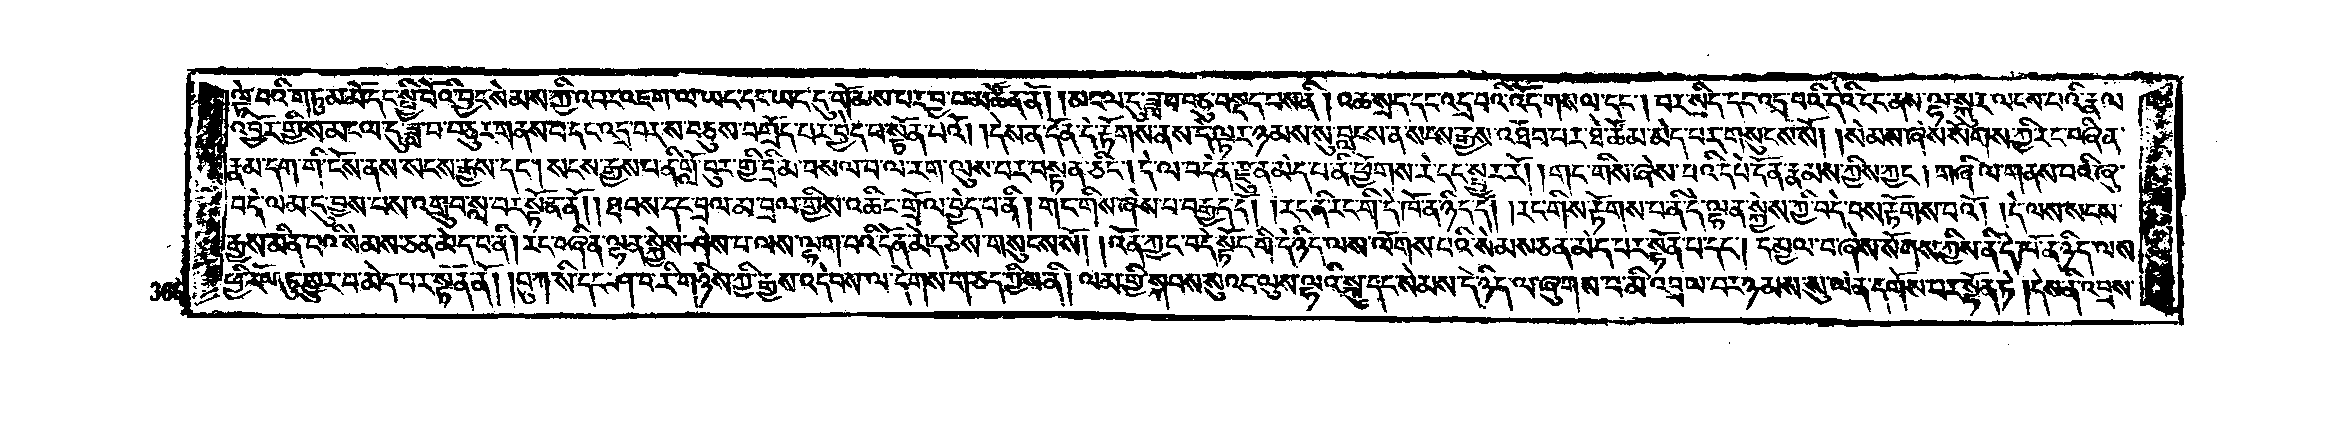ལྟེ་བའི་གཏུམ་མོ་དང་སྤྱི་བོའི་བྱང་སེམས་ཀྱི་འབར་འཇག་ལ་ཡང་དང་ཡང་དུ་གོམས་པར་བྱ་བ་མཚོན་ནོ། །མངལ་དུ་ཟླ་བ་བཅུ་བསྡད་པས་ནི། འཆོས་སྲིད?་དང་འདྲ་བའི་འོད་གསལ་དང་། བར་སྲིད་དང་འདྲ་བའི་དེའི་ངང་ནས་ལྷ་སྐུར་ལངས་པའི་རྣལ་
འབྱོར་གྱིས་མངལ་དུ་ཟླ་བ་བཅུར་གནས་པ་དང་འདྲ་བར་ས་བཅུས་བགྲོད་པར་བྱེད་པ་སྟོན་པའོ། །དེས་ན་དོན་དེ་རྟོགས་ནས་དེ་ལྟར་ཉམས་སུ་བླངས་ན་སངས་རྒྱས་འཐོབ་པར་ཐེ་ཚོམ་མེད་པར་གསུངས་སོ། །སེམས་ཞེས་སོགས་ཀྱི་རང་བཞིན་
རྣམ་དག་གི་ངོས་ནས་སངས་རྒྱས་དང་། སངས་རྒྱས་པ་ནི་གློ་བུར་གྱི་དྲི་མ་བསལ་བ་ལ་རག་ལུས་པར་བསྟན་ཅིང་། དེ་ལ་བདེན་རྫུན་མེད་པ་ནི་ཕྱོགས་རེ་དང་སྦྱར་རོ། །གང་གིས་ཞེས་པའི་དཔེ་དོན་རྣམས་ཀྱིས་ཀྱང་། གཞི་ལ་གནས་པའི་ཞུ་
བདེ་ལམ་དུ་བྱས་པས་འགྲུབ་སླ་བར་སྟོན་ནོ། །ཐབས་དང་བྲལ་མ་བྲལ་གྱིས་འཆིང་གྲོལ་བྱེད་པ་ནི། གང་གིས་ཞེས་པ་བརྒྱད་དོ། །རང་ནི་རང་གི་དེ་ཁོ་ན་ཉིད་དོ། །རང་གིས་རྟོགས་པ་ནི་དེ་ལྷན་སྐྱེས་ཀྱི་བདེ་བས་རྟོགས་པའོ། །དེ་ལས་སངས་
རྒྱས་མིན་པའི་སེམས་ཅན་མེད་པ་ནི། རང་བཞིན་ལྷན་སྐྱེས་ཤེས་པ་ལས་ལྷག་པའི་དོན་མེད་ཅེས་གསུངས་སོ། །འོན་ཀྱང་བདེ་སྟོང་གི་དེ་ཉིད་ལས་ལོགས་པའི་སེམས་ཅན་མེད་པར་སྟོན་པ་དང་། དམྱལ་བ་ཞེས་སོགས་ཀྱིས་ནི་དེ་ཁོ་ན་ཉིད་ལས་
ཕྱི་རོལ་ཏུ་གྱུར་བ་མེད་པར་སྟོན་ནོ། །བུ་ཀ་སི་དང་ཤ་བ་རི་གཉིས་ཀྱི་རྒྱས་འདེབས་ལ་དོགས་གཅད་ཀྱིས་ནི། ལམ་གྱི་སྐབས་སུའང་ལུས་ལྷའི་སྐུ་དང་སེམས་དེ་ཉིད་ལ་ཞུགས་པ་མི་འབྲལ་བར་ཉམས་སུ་ལེན་དགོས་པར་སྟོན་ཏེ། དེས་ནི་འབྲས་